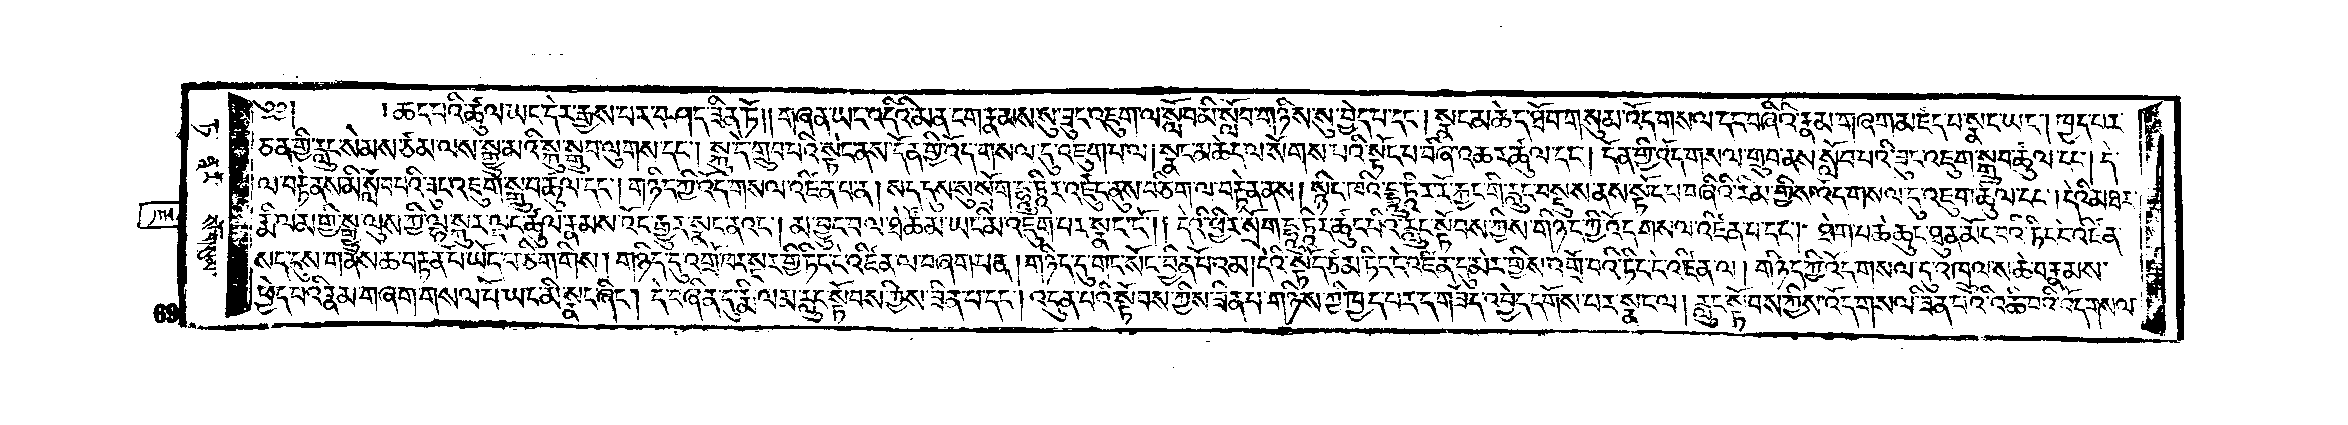༄༅། །ཚང་བའི་ཚུལ་ཡང་དེར་རྒྱས་པར་བཤད་ཟིན་ཏོ། །གཞན་ཡང་འདིའི་མན་ངག་རྣམས་སུ་ཟུང་འཇུག་ལ་སློབ་མི་སློབ་གཉིས་སུ་བྱེད་པ་དང་། སྣང་མཆེད་ཐོབ་གསུམ་འོད་གསལ་དང་བཞིའི་རྣམ་གཞག་མཛད་པ་སྣང་ཡང་། ཁྱད་པར་
ཅན་གྱི་རླུང་སེམས་ཙམ་ལས་སྒྱུ་མའི་སྐུ་སྒྲུབ་ལུགས་དང་། སྐུ་དེ་གྲུབ་པའི་སྟེང་ནས་དོན་གྱི་འོད་གསལ་དུ་འཇུག་པ་ལ། སྣང་མཆེད་ལ་སོགས་པའི་སྟོང་པ་བཞི་འཆར་ཚུལ་དང་། དོན་གྱི་འོད་གསལ་གྲུབ་ནས་སློབ་པའི་ཟུང་འཇུག་སྒྲུབ་ཚུལ་དང་། དེ་
ལ་བརྟེན་ནས་མི་སློབ་པའི་ཟུང་འཇུག་སྒྲུབ་ཚུལ་དང་། གཉིད་ཀྱི་འོད་གསལ་འཛིན་པ་ན། སད་དུས་སུ་སྲོག་དྷཱུ་ཏཱིར་འཛུད་ནུས་པ་ཅིག་ལ་བརྟེན་ནས། སྙིང་ཁའི་དྷཱུ་ཏཱིར་རོ་རྐྱང་གི་རླུང་བསྡུས་ནས་སྟོང་པ་བཞིའི་རིམ་གྱིས་འོད་གསལ་དུ་འཇུག་ཚུལ་དང་། དེའི་མཐར་
རྨི་ལམ་གྱི་སྒྱུ་ལུས་ཀྱི་ལྷ་སྐུར་ལྡང་ཚུལ་རྣམས་འོང་རྒྱུར་སྣང་ནའང་། མ་བྱུང་བ་ལ་ཐེ་ཚོམ་ཡང་མི་འཇུག་པར་སྣང་ངོ། །དེའི་ཕྱིར་སྲོག་དྷཱུ་ཏཱིར་ཚུང་པའི་རླུང་སྟོབས་ཀྱིས་གཉིད་ཀྱི་འོད་གསལ་འཛིན་པ་དང་། ཐེག་པ་ཆེ་ཆུང་ཐུན་མོང་བའི་ཏིང་ངེ་འཛིན་
སད་དུས་གནས་ཆ་བརྟན་པོ་ཡོད་པ་ཅིག་གིས། གཉིད་དུ་འགྲོ་ཁར་སྔར་གྱི་ཏིང་ངེ་འཛིན་ལ་བཞག་པ་ན། གཉིད་དུ་གང་སོང་བྱིན་པོ་འམ། དེའི་སྟོད་ཙམ་ཏིང་ངེ་འཛིན་དུ་མེར་གྱིས་འགྲོ་བའི་ཏིང་ངེ་འཛིན་ལ། གཉིད་ཀྱི་འོད་གསལ་དུ་འཁྲུལ་ས་ཆེ་བ་རྣམས་
བྱེད་པའི་རྣམ་གཞག་གསལ་པོ་ཡང་མི་སྣང་ཞིང་། དེ་བཞིན་དུ་རྨི་ལམ་རླུང་སྟོབས་ཀྱིས་ཟིན་པ་དང་། འདུན་པའི་སྟོབས་ཀྱིས་ཟིན་པ་གཉིས་ཀྱི་ཁྱད་པར་ད་གཟོད་འབྱེད་དགོས་པར་སྣང་ལ། རླུང་སྟོབས་ཀྱིས་འོད་གསལ་ཟིན་པའི་འཆི་བའི་འོད་གསལ་